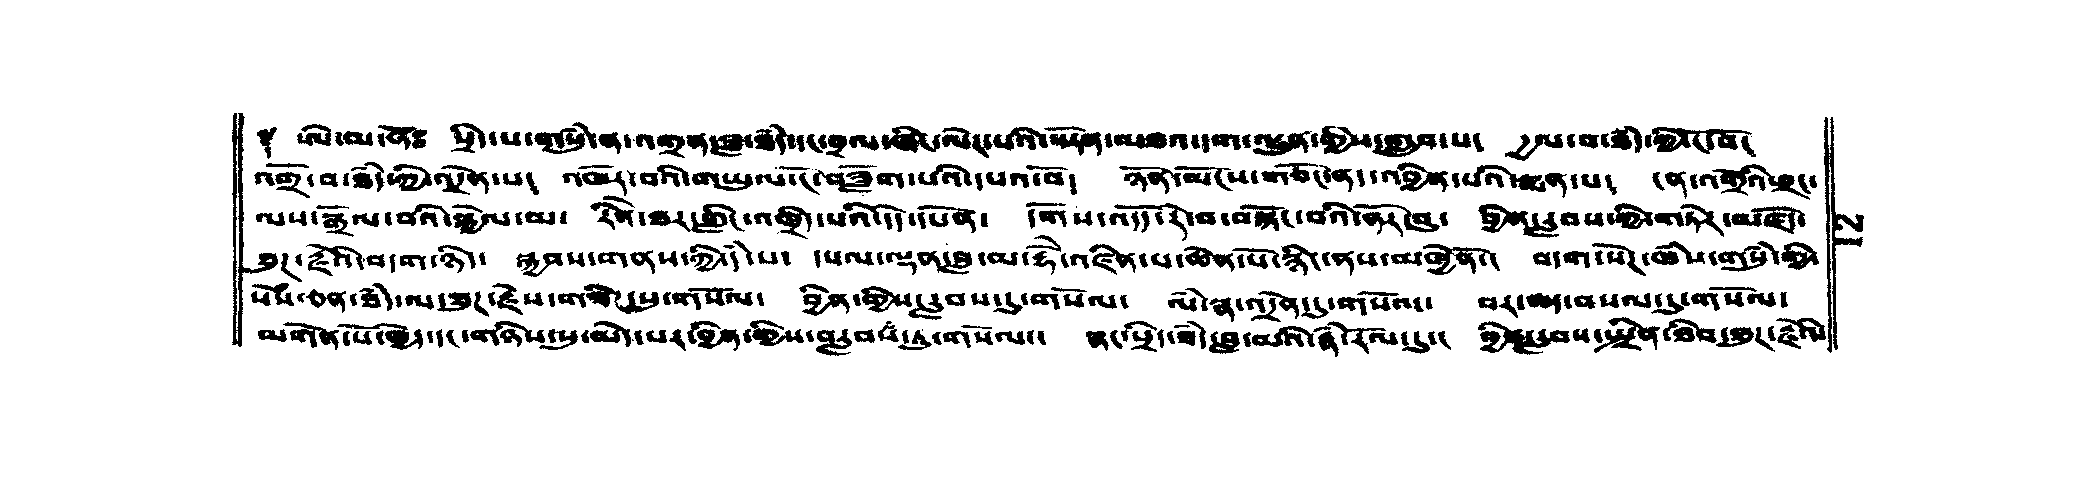ཨེ་མ་ཧོཿ སྲིད་པ་གསུམ་ན་འགྲན་ཟླ་ཐམས་ཅད་དང་བྲལ་ཞིང་ལེགས་པའི་ཡོན་ཏན་མཐའ་དག་ལྷུན་གྱིས་གྲུབ་པ། རྒྱལ་བ་ཐམས་ཅད་ཀྱི་ངོ་བོ། 
འགྲོ་བ་ཐམས་ཅད་ཀྱི་འདྲེན་པ། འཁོར་བའི་གཡུལ་ངོ་བཟློག་པའི་དཔའ་བོ། ཉོན་མོངས་གཅོང་ནད་འབྱིན་པའི་སྨན་པ། ངན་འགྲོའི་ཕྲང་
ལས་སྒྲོལ་བའི་སྐྱེལ་མ། རིན་ཆེན་ཐར་གླིང་འཁྲིད་པའི་དེད་དཔོན། དགོས་འདོད་རེ་བ་བསྐོང་བའི་ནོར་བུ། བྱིན་རླབས་ཀྱི་གཏེར་མཛོད་
ཐུགས་རྗེའི་བདག་ཉིད། སྐྱབས་གནས་ཀྱི་དམ་པ། དཔལ་ལྡན་བླ་མ་རྡོ་རྗེ་འཛིན་པ་ཆེན་པོ་སྙིང་ནས་མཁྱེན་ནོ། བདག་སོགས་ཁམས་གསུམ་གྱི་
སེམས་ཅན་ཐམས་ཅད་ལ་ཐུགས་རྗེས་གཟིགས་སུ་གསོལ། བྱིན་གྱིས་བརླབ་ཏུ་གསོལ། ལམ་སྣ་འདྲེན་དུ་གསོལ། བར་ཆད་བསལ་དུ་གསོལ། 
མགོན་པོ་ཁྱོད་དང་གཉིས་སུ་མེད་པར་བྱིན་གྱིས་བརླབ་ཏུ་གསོལ། སྣང་སྲིད་ཐམས་ཅད་བླ་མའི་རྣམ་རོལ་དུ། །བྱིན་རླབས་སྤྲིན་ཐིབ་ཐུགས་རྗེའི་